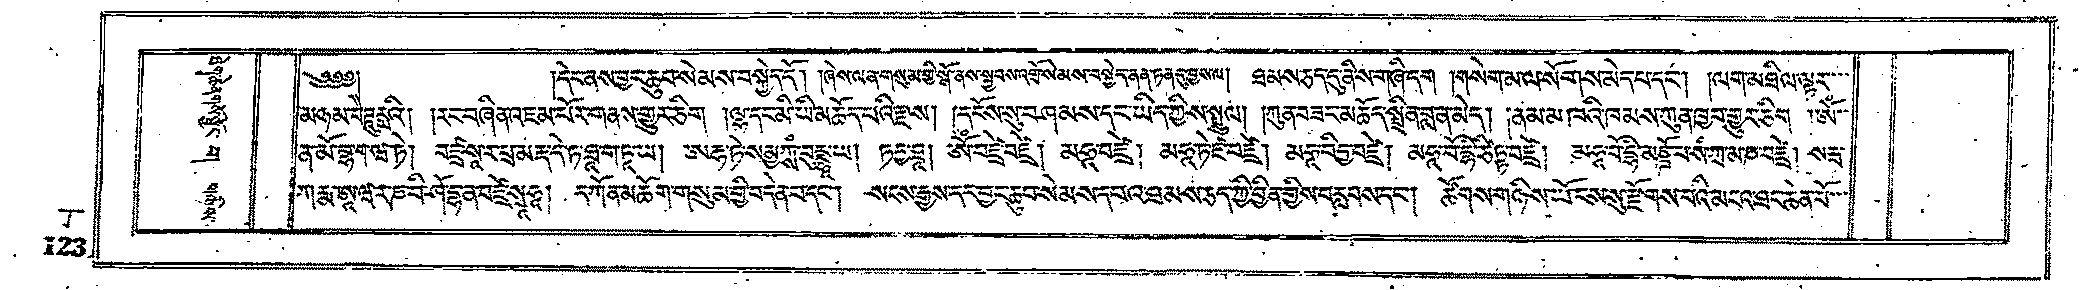༄༅། །དེང་ནས་བྱང་ཆུབ་སེམས་བསྐྱེད་དོ། །ཞེས་ལན་གསུམ་གྱི་སྒོ་ནས་སྐྱབས་འགྲོ་སེམས་བསྐྱེད་ནན་ཏན་དུ་བྱས་ལ།  ཐམས་ཅད་དུ་ནི་ས་གཞི་དག །གསེག་མ་ལ་སོགས་མེད་པ་དང་། །ལག་མཐིལ་ལྟར་་་
མཉམ་བཻ་ཌཱུརྱའི། །རང་བཞིན་འཇམ་པོར་གནས་གྱུར་ཅིག །ལྷ་དང་མི་ཡི་མཆོད་པའི་རྫས། །དངོས་སུ་བཤམས་དང་ཡིད་ཀྱིས་སྤྲུལ། །ཀུན་བཟང་མཆོད་སྤྲིན་བླ་ན་མེད། །ནམ་མཁའི་ཁམས་ཀུན་ཁྱབ་གྱུར་ཅིག །ཨོཾ་་་
ན་མོ་བྷ་ག་ཝ་ཏེ། བཛྲ་སཱ་ར་པྲ་མྲྡ་དེ་ཏ་ཐཱ་ག་ཏཱ་ཡ། ཨརྷ་ཏེ་སམྱཀྶཾ་བུདྡྷཱ་ཡ། ཏདྱ་ཐཱ། ཨོཾ་བཛྲེ་བཛྲེ། མཧཱ་བཛྲེ། མྷཱ་ཏེ་ཛ་བཛྲེ། མཧཱ་བིདྱ་བཛྲེ། མཧཱ་བོ་དྷི་ཙིཏྟ་བཛྲེ། མཧཱ་བོ་དྷི་མཎྜོ་པ་སཾ་ཀྲ་མ་ཎ་བཛྲེ། སརྦ་
ཀརྨ་ཨཱ་ཝ་ར་ཎ་བི་ཤོ་དྷ་ན་བཛྲེ་སྭཱཧཱ། དཀོན་མཆོག་གསུམ་གྱི་བདེན་པ་དང་། སངས་རྒྱས་དང་བྱང་ཆུབ་སེམས་དཔའ་ཐམས་ཅད་ཀྱི་བྱིན་གྱིས་བརླབས་དང་། ཚོགས་གཉིས་ཡོངས་སུ་རྫོགས་པའི་མངའ་ཐང་ཆེན་པོ་་་